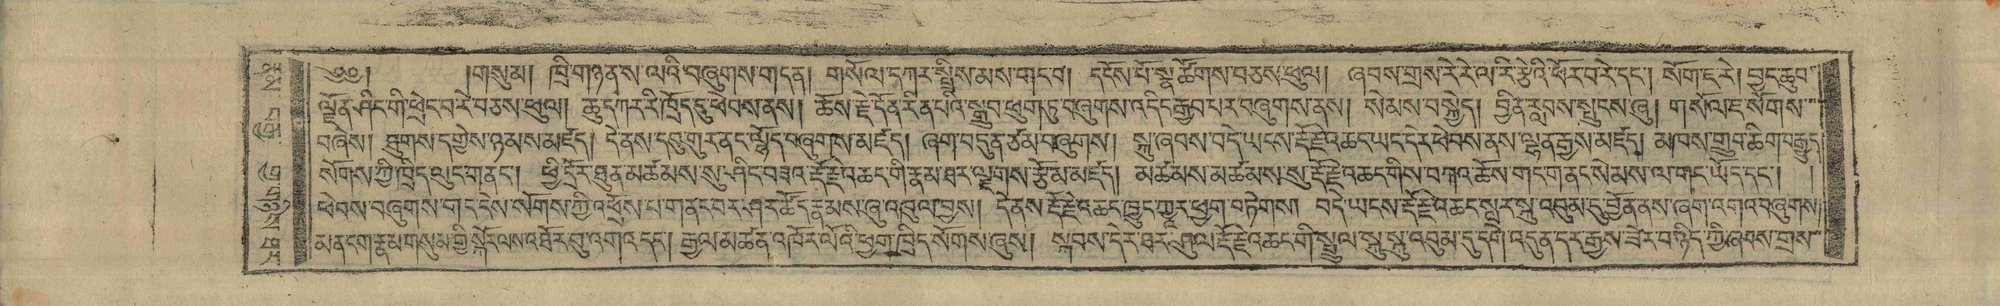༄༅། །གསུམ། ཁྲི་གཉན་ས་ལའི་བཞུགས་གདན། གསོལ་དཀར་སྤྲིས་མས་གང་བ། དངོས་པོ་སྣ་ཚོགས་བཅས་ཕུལ། ཞབས་གྲས་རེ་རེ་ལ་རི་རྩེའི་ཕོར་བ་རེ་དང་། སོག་ཇ་རེ། བྱང་ཆུབ་
ལྗོན་ཤིང་གི་ཕྲེང་བ་རེ་བཅས་ཕུལ། ཆུ་དཀར་རི་ཁྲོད་དུ་ཕེབས་ནས། ཆོས་རྗེ་དོན་རིན་པའི་སྒྲུབ་ཕུག་ཏུ་བཞུགས་འདིང་རྒྱབ་པར་བཞུགས་ནས། སེམས་བསྐྱེད། བྱིན་རླབས་སྤུངས་ཞུ། གསོལ་ཇ་སོགས་
བཞེས། ཐུགས་དགྱེས་ཉམས་མཛད། དེ་ནས་དབུ་གུར་ནང་ལྷོད་བཞུགས་མཛད། ཞག་བདུན་ཙམ་བཞུགས། སྐུ་ཞབས་བདེ་ཡངས་རྡོ་རྗེ་འཆང་ཡང་དེར་ཕེབས་ནས་ལྷན་རྒྱས་མཛད། མཁས་གྲུབ་ཆིག་བརྒྱུད་
སོགས་ཀྱི་ཁྲིད་ལུང་གནང་། ཕྱི་དྲོར་ཐུན་མཚམས་སུ་ཤིང་བཟའ་རྡོ་རྗེ་འཆང་གི་རྣམ་ཐར་ལྗགས་རྩོམ་མཛད། མཚམས་མཚམས་སུ་རྡོ་རྗེ་འཆང་གིས་བཀའ་ཆོས་གང་ནང་སེམས་ལ་གང་ཡོད་དང་། །
ཕེབས་བཞུགས་གང་ངེས་སོགས་ཀྱི་འཕྲོས་པ་གནང་བར་ཤར་ཚོད་རྣམས་ཞུ་འཁུལ་བྱས། དེ་ནས་རྡོ་རྗེ་འཆང་ཁྱུང་ཀྱཱར་ཕྱག་བཏེགས། བདེ་ཡངས་རྡོ་རྗེ་འཆང་སླར་སྐུ་འབུམ་དུ་བྱོན་ནས་ཞག་འགའ་བཞུགས།
མན་ངག་རྣམ་གསུམ་གྱི་སྐོར་ལས་འཐོར་བུ་འགའ་དང་། རྒྱལ་མཚན་འཁོར་ལོའི་ཕྱག་ཁྲིད་སོགས་ཞུས། སྐབས་དེར་ཐར་ཤུལ་རྡོ་རྗེ་འཆང་གི་སྤྲུལ་སྐུ་སྐུ་འབུམ་དུ་དགེ་འདུན་དར་རྒྱས་ཟེར་བ་ཉིད་ཀྱི་ཞབས་གྲས་